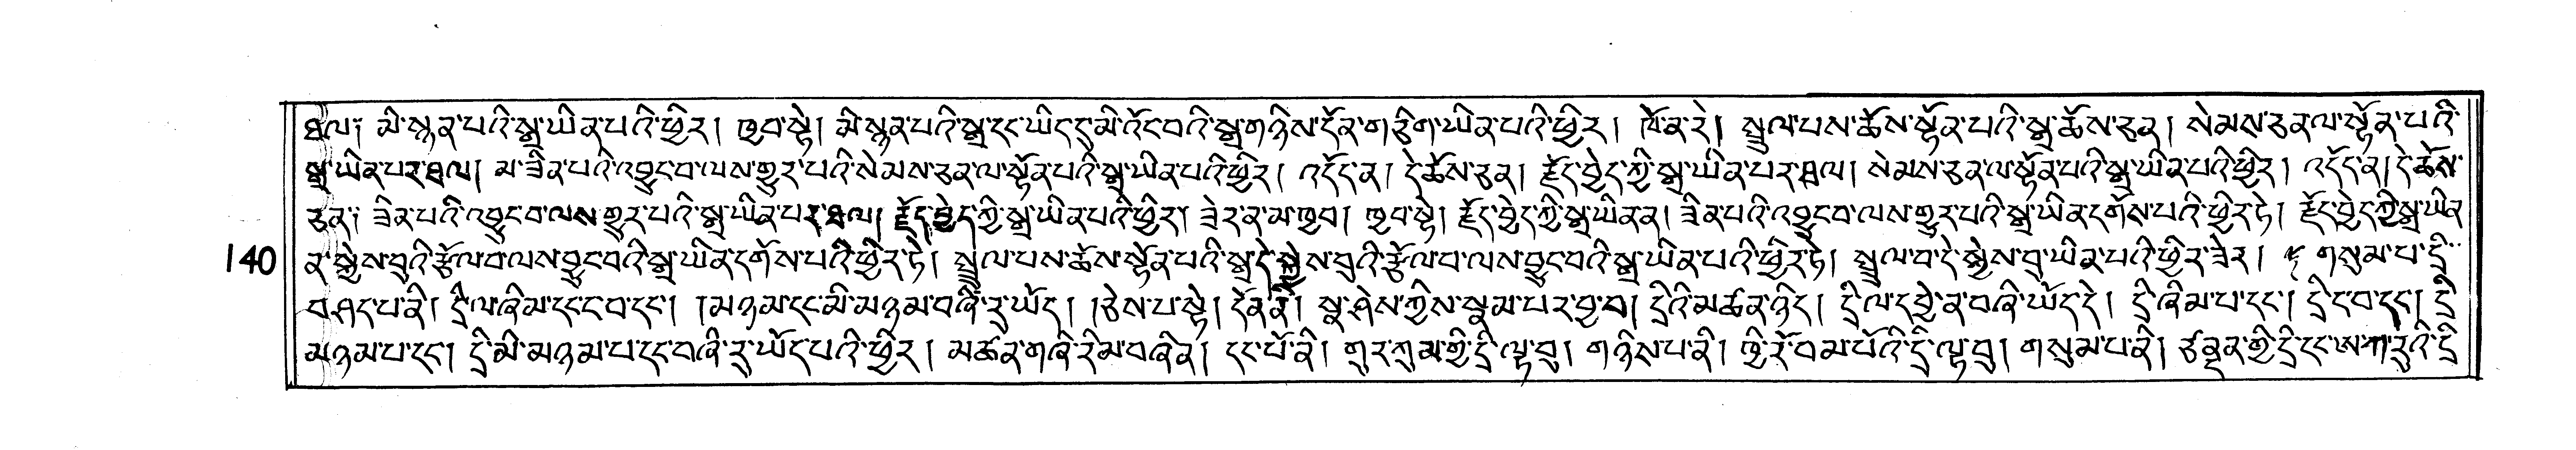ཐལ༑ མི་སྙན་པའི་སྒྲ་ཡིན་པའི་ཕྱིར། ཁྱབ་སྟེ། མི་སྙན་པའི་སྒྲ་དང་ཡིད་དུ་མི་འོང་བའི་སྒྲ་གཉིས་དོན་གཅིག་ཡིན་པའི་ཕྱིར། ཁོ་ན་རེ། སྤྲུལ་པས་ཆོས་སྟོན་པའི་སྒྲ་ཆོས་ཅན། སེམས་ཅན་ལ་སྟོན་པའི་
སྒྲ་ཡིན་པར་ཐལ། མ་ཟིན་པའི་འབྱུང་བ་ལས་གྱུར་པའི་སེམས་ཅན་ལ་སྟོན་པའི་སྒྲ་ཡིན་པའི་ཕྱིར། འདོད་ན། དེ་ཆོས་ཅན། རྗོད་བྱེད་ཀྱི་སྒྲ་ཡིན་པར་ཐལ། སེམས་ཅན་ལ་སྟོན་པའི་སྒྲ་ཡིན་པའི་ཕྱིར། འདོད་ན། དེ་ཆོས་
ཅན༑ ཟིན་པའི་འབྱུང་བ་ལས་གྱུར་པའི་སྒྲ་ཡིན་པར་ཐལ། རྗོད་བྱེད་ཀྱི་སྒྲ་ཡིན་པའི་ཕྱིར། ཟེར་ན་མ་ཁྱབ། ཁྱབ་སྟེ། རྗོད་བྱེད་ཀྱི་སྒྲ་ཡིན་ན། ཟིན་པའི་འབྱུང་བ་ལས་གྱུར་པའི་སྒྲ་ཡིན་དགོས་པའི་ཕྱིར་ཏེ། རྗོད་བྱེད་ཀྱི་སྒྲ་ཡིན་
ན་སྐྱེས་བུའི་རྩོལ་བ་ལས་བྱུང་བའི་སྒྲ་ཡིན་དགོས་པའི་ཕྱིར་ཏེ། སྤྲུལ་པས་ཆོས་སྟོན་པའི་སྒྲ་དེ་སྐྱེས་བུའི་རྩོལ་བ་ལས་བྱུང་བའི་སྒྲ་ཡིན་པའི་ཕྱིར་ཏེ། སྤྲུལ་བ་དེ་སྐྱེས་བུ་ཡིན་པའི་ཕྱིར་ཟེར༑ ༈ གསུམ་པ་དྲི་
བཤད་པ་ནི། དྲི་ལ་ཞིམ་དང་ང་བ་དང་། །མཉམ་དང་མི་མཉམ་བཞི་རུ་ཡོད། །ཅེས་པ་སྟེ། དོན་ནི། སྣ་ཤེས་ཀྱིས་སྣམ་པར་བྱ་བ། དྲིའི་མཚན་ཉིད། དྲི་ལ་དབྱེ་ན་བཞི་ཡོད་དེ། དྲི་ཞིམ་པ་དང་། དྲི་ང་བ་དང་། དྲི་
མཉམ་པ་དང་། དྲི་མི་མཉམ་པ་དང་བཞི་རུ་ཡོད་པའི་ཕྱིར། མཚན་གཞི་རིམ་བཞིན། དང་པོ་ནི། གུར་ཀུམ་གྱི་དྲི་ལྟ་བུ། གཉིས་པ་ནི། ཁྱི་རོ་བམ་པོའི་དྲི་ལྟ་བུ། གསུམ་པ་ནི། ཙནྡན་གྱི་དྲི་དང་ཨ་ཀ་རུའི་དྲི་